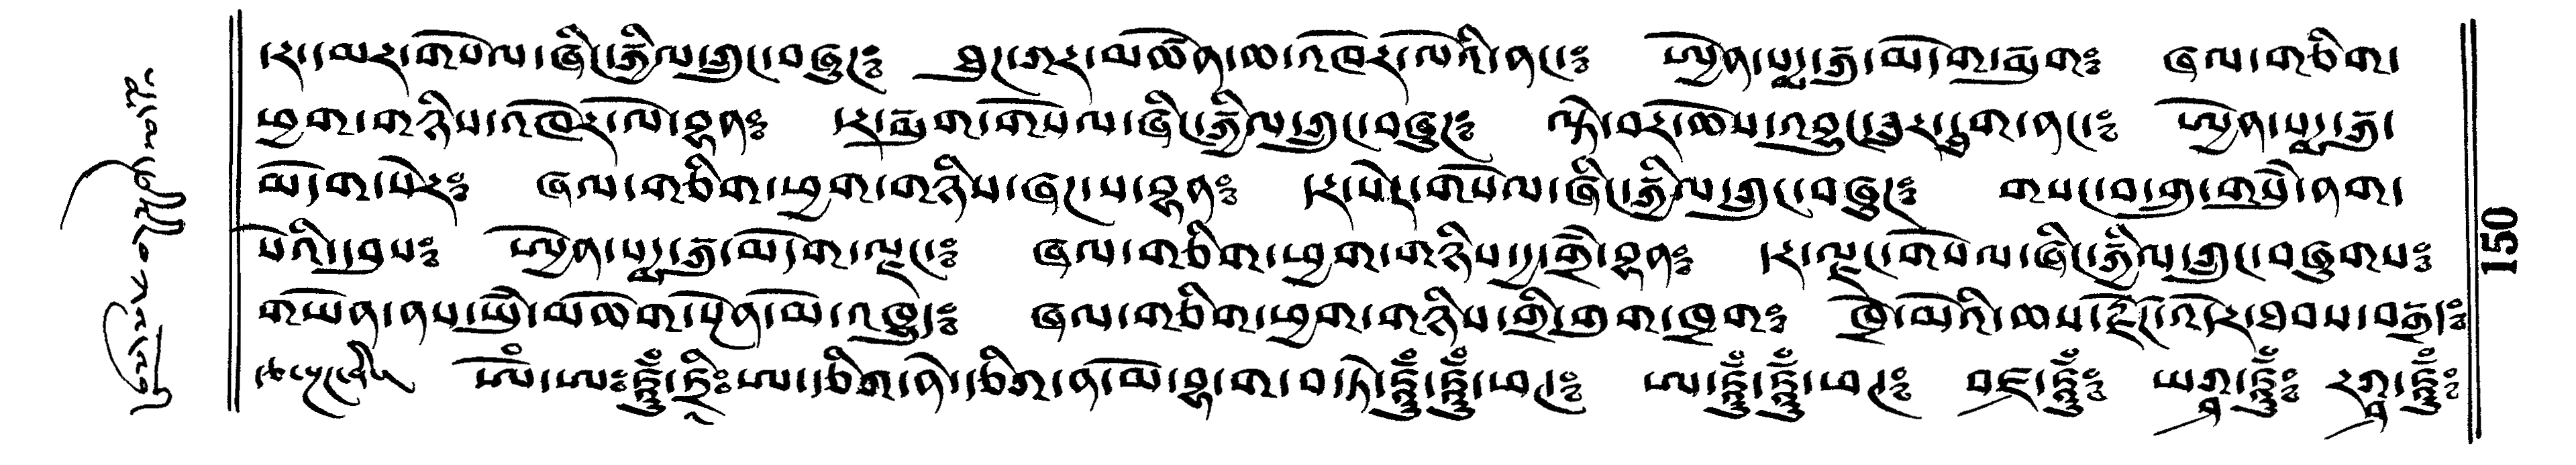དར་དམར་གསོལ་ཞིང་སྐྱིལ་ཀྲུང་བཞུགས༔ ཐུགས་ཀར་མཚོན་ཆའི་འཁོར་ལོའི་ནང༔ ཨོ་རྒྱན་པདྨ་སྐུ་མདོག་སྨུག༔ ཞལ་གཅིག་
ཕྱག་གཉིས་འཁོར་ལོ་བྷན༔ དར་སྨུག་གསོལ་ཞིང་སྐྱིལ་ཀྲུང་བཞུགས༔ ལྟེ་བར་ཆོས་འབྱུང་ཟུར་དྲུག་ནང༔ ཨོ་རྒྱན་པདྨ་སྐུ་
མདོག་སེར༔ ཞལ་གཅིག་ཕྱག་གཉིས་ཞགས་པ་བྷན༔ དར་སེར་གསོལ་ཞིང་སྐྱིལ་ཀྲུང་བཞུགས༔ གསང་བ་གྲུ་གསུམ་ནག་
པོའི་དབུས༔ ཨོ་རྒྱན་པདྨ་སྐུ་མདོག་ལྗང༔ ཞལ་གཅིག་ཕྱག་གཉིས་རྒྱ་གྲམ་བྷན༔ དར་ལྗང་གསོལ་ཞིང་སྐྱིལ་ཀྲུང་བཞུགས༔ 
གཡོན་ནས་ཡུམ་མཆོག་སྔོན་མོ་འཁྱུད༔ ཞལ་གཅིག་ཕྱག་གཉིས་གྲི་གུག་ཁྲག༔ ཁྲོ་མོའི་ཆས་རྫོགས་དོར་སྟབས་བསྒྲད༔ 
རྩ་སྔགས་ནི། ཨོཾ་ཨཱཿཧཱུྃ་ཧྲཱིཿཨ་རྩིག་ནེ་རྩིག་ན་མོ་བྷ་ག་ཝ་ཏེ་ཧཱུྃ་ཧཱུྃ་ཕཊ༔ ཨ་ཧཱུྃ་ཧཱུྃ་ཕཊ༔ བཛྲ་ཧཱུྃ༔ ཡཀྴ་ཧཱུྃ༔ རཀྴ་ཧཱུྃ༔